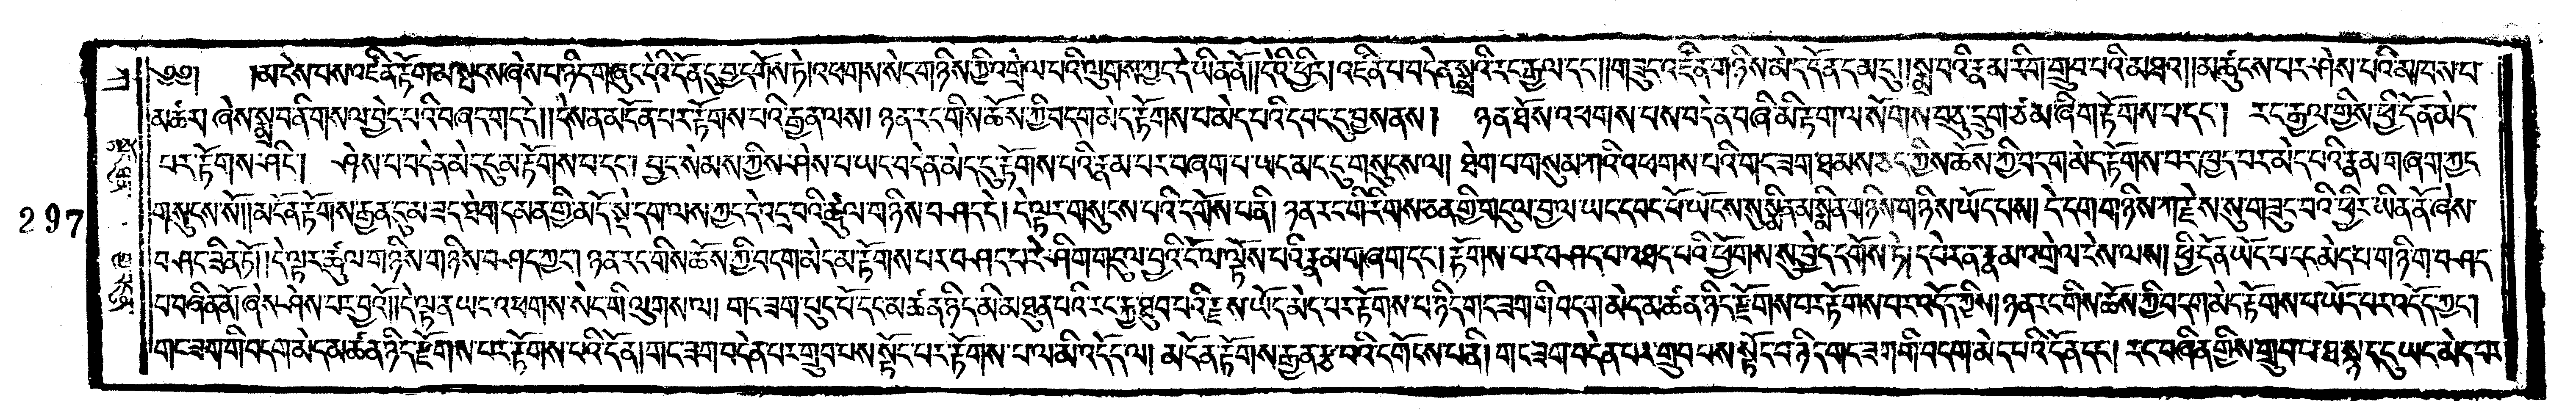༄༅། །མ་ངེས་པས་འཛིན་རྟོག་མ་སྤངས་ཞེས་པ་ཉིད་གཞུང་དེའི་དོན་དུ་བྱ་དགོས་ཏེ། འཕགས་སེང་གཉིས་ཀྱི་འགྲེལ་པའི་ལུགས་ཀྱང་དེ་ཡིན་ནོ། །དེའི་ཕྱིར། འཛིན་པ་བདེན་སྨྲའི་རང་རྒྱལ་དང་། །གཟུང་འཛིན་གཉིས་མེད་དོན་དམ་དུ། །སྨྲ་བའི་རྣམ་རིག་གྲུབ་པའི་མཐའ། །མཚུངས་པར་ཤེས་པའི་མཁས་པ་
མཚར། ཞེས་སྨྲ་བ་ནི་གསལ་བྱེད་པའི་བཞད་གད་དེ། །དེས་ན་མངོན་པར་རྟོགས་པའི་རྒྱན་ལས། ཉན་རང་གིས་ཆོས་ཀྱི་བདག་མེད་རྟོགས་པ་མེད་པའི་དབང་དུ་བྱས་ནས། ཉན་ཐོས་འཕགས་པས་བདེན་བཞི་མི་རྟག་ལ་སོགས་བཅུ་དྲུག་ཙམ་ཞིག་རྟོགས་པ་དང་། རང་རྒྱལ་གྱིས་ཕྱི་དོན་མེད་
པར་རྟོགས་ཤིང་། ཤེས་པ་བདེན་མེད་དུ་མ་རྟོགས་པ་དང་། བྱང་སེམས་ཀྱིས་ཤེས་པ་ཡང་བདེན་མེད་དུ་རྟོགས་པའི་རྣམ་པར་བཞག་པ་ཡང་མང་དུ་གསུངས་ལ། ཐེག་པ་གསུམ་ཀའི་འཕགས་པའི་གང་ཟག་ཐམས་ཅད་ཀྱིས་ཆོས་ཀྱི་བདག་མེད་རྟོགས་པར་ཁྱད་པར་མེད་པའི་རྣམ་གཞག་ཀྱང་
གསུངས་སོ། །མངོན་རྟོགས་རྒྱན་དུ་མ་ཟད་ཐེག་དམན་གྱི་མདོ་སྡེ་དག་ལས་ཀྱང་དེ་འདྲ་བའི་ཚུལ་གཉིས་བཤད་དེ། དེ་ལྟར་གསུངས་པའི་དགོས་པ་ནི། ཉན་རང་གི་རིགས་ཅན་གྱི་གདུལ་བྱ་ལ་ཡང་དབང་པོ་ཡོངས་སུ་སྨིན་མ་སྨིན་གཉིས་གཉིས་ཡོད་པས། དེ་དག་གཉིས་ཀ་རྗེས་སུ་གཟུང་བའི་ཕྱིར་ཡིན་ནོ་ཞེས་
བཤད་ཟིན་ཏོ། །དེ་ལྟར་ཚུལ་གཉིས་གཉིས་བཤད་ཀྱང་། ཉན་རང་གིས་ཆོས་ཀྱི་བདག་མེད་མ་རྟོགས་པར་བཤད་པར་ཤིག་གདུལ་བྱའི་ངོ་ལ་ལྟོས་པའི་རྣམ་གཞག་དང་། རྟོགས་པར་བཤད་པ་འཐད་པའི་ཕྱོགས་སུ་བྱེད་དགོས་ཏེ། དཔེར་ན་རྣམ་འགྲེལ་ངེས་ལས། ཕྱི་དོན་ཡོད་པ་དང་མེད་པ་གཉི་ག་བཤད་
པ་བཞིན་ནོ། ཞེས་ཤེས་པར་བྱའོ། །དེ་ལྟ་ན་ཡང་འཕགས་སེང་གི་ལུགས་ལ། གང་ཟག་ཕུང་པོ་དང་མཚན་ཉིད་མི་མཐུན་པའི་རང་རྐྱ་ཐུབ་པའི་རྗས་ཡོད་མེད་པར་རྟོགས་པ་ཉིད་གང་ཟག་གི་བདག་མེད་མཚན་ཉིད་རྫོགས་པར་རྟོགས་པར་འདོད་ཀྱིས། ཉན་རང་གིས་ཆོས་ཀྱི་བདག་མེད་རྟོགས་པ་ཡོད་པར་འདོད་ཀྱང་།
གང་ཟག་གི་བདག་མེད་མཚན་ཉིད་རྫོགས་པར་རྟོགས་པའི་དོན། གང་ཟག་བདེན་པར་གྲུབ་པས་སྟོང་པར་རྟོགས་པ་ལ་མི་འདོད་ལ། མངོན་རྟོགས་རྒྱན་རྩ་བའི་དགོངས་པ་ནི། གང་ཟག་བདེན་པར་གྲུབ་པས་སྟོང་པ་ཉིད་གང་ཟག་གི་བདག་མེད་པའི་དོན་དང་། རང་བཞིན་གྱིས་གྲུབ་པ་ཐ་སྙད་དུ་ཡང་མེད་པར་